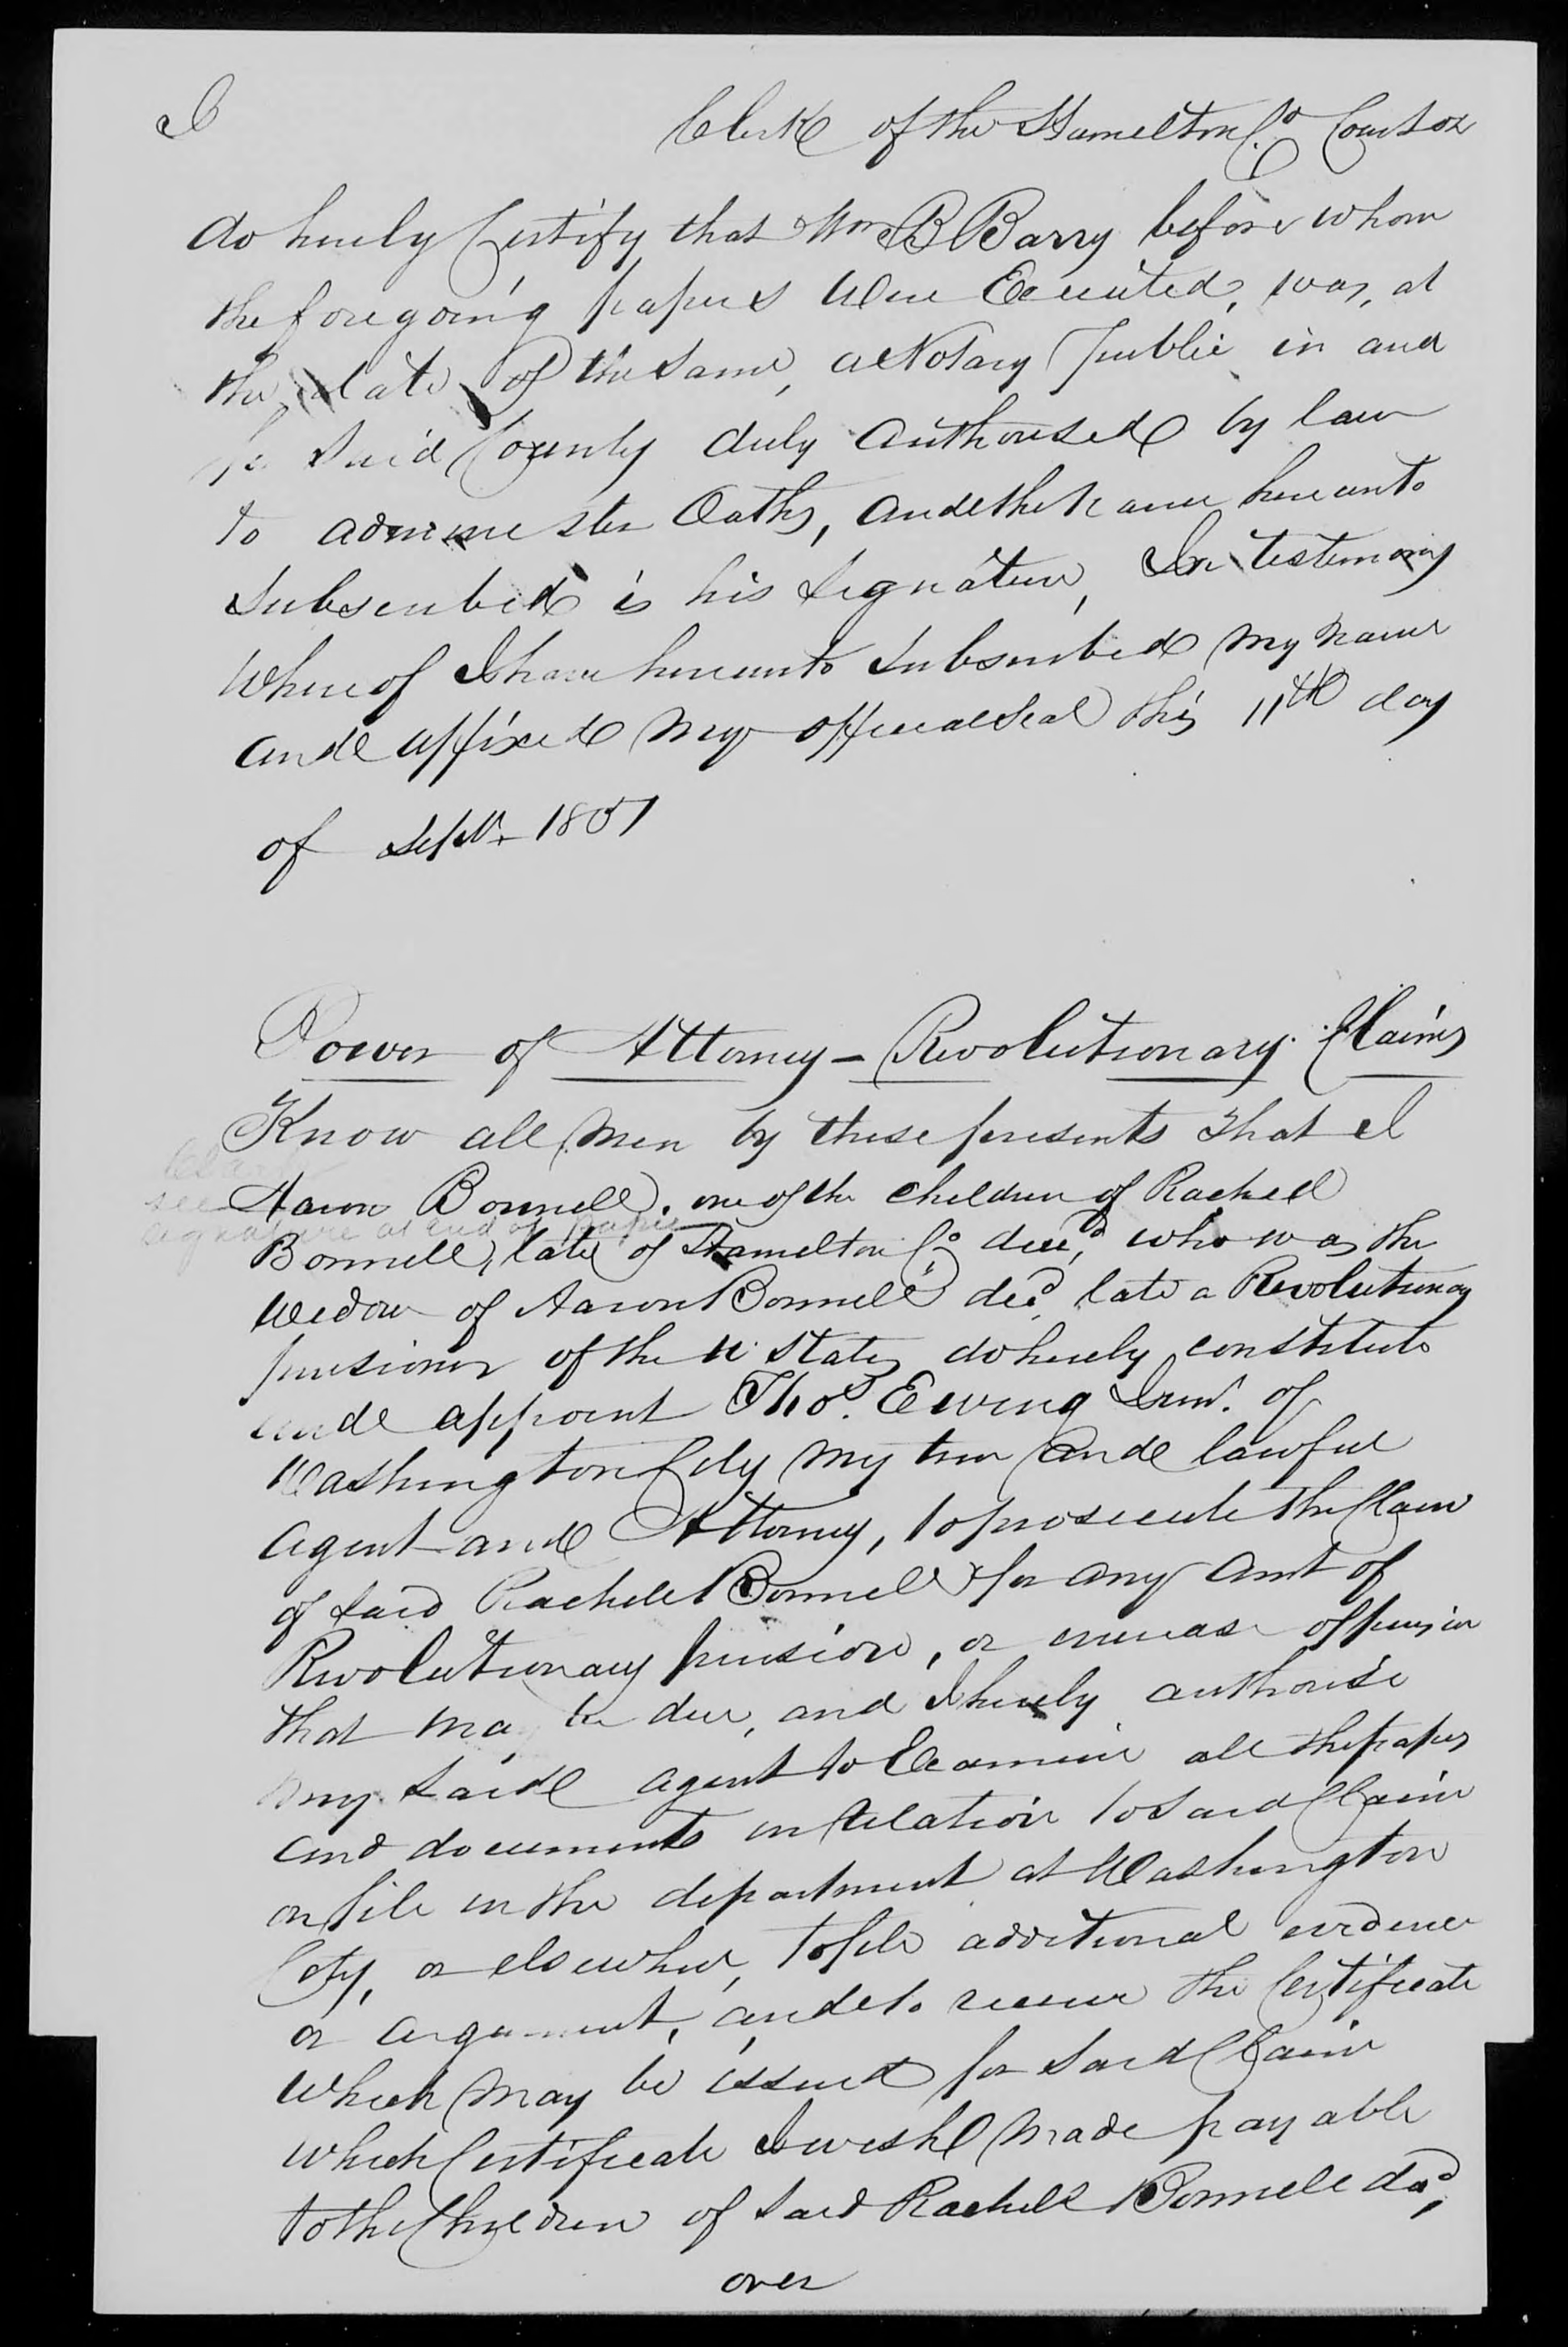I            Clerk of the Hamilton Co Court Oh
do hereby certify that Wm. B. Barry before whom the foregoing papers were executed was at the date of the same, a Notary Public in and for said County duly authorized by law to administer oaths, and the name hereunto subscribed is his signature.  In testimony whereof I have hereunto subscribed my name and affixed my official seal this 11th day of Sept 1851

Power of Attorney - Revolutionary Claims
Know all men by these presents that I Aaron Bonnell, one of the children of Rachel Bonnel late of Hamilton Co decd who was the widow of Aaron Bonnell decd late a Revolutionary pensioner of the U. States do hereby constitute and appoint Thos Ewing Irmt. of Washington City my true and lawful agent and attorney to prosecute the claim of said Rachel Bonnel for any amt of Revolutionary pension or arrears of pension that may be due and I hereby authorize my said agent to examine all the papers and documents in relation to said claim on file in the department at Washington City, or elsewhere to file additional evidence or arguments and to receive the certificate which may be issued for said claim which certificate I wish made payable to the children of said Rachel Bonnell decd
over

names: Rachell Bonnell, Wm B Barry, Aaron Bonnell, Rachell Bonnell, Thos Ewing, Aaron Bonnell, Rachell Bonnell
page: 56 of 67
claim: rejected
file: R. 1009, Aaron Bonnel, New Jersey